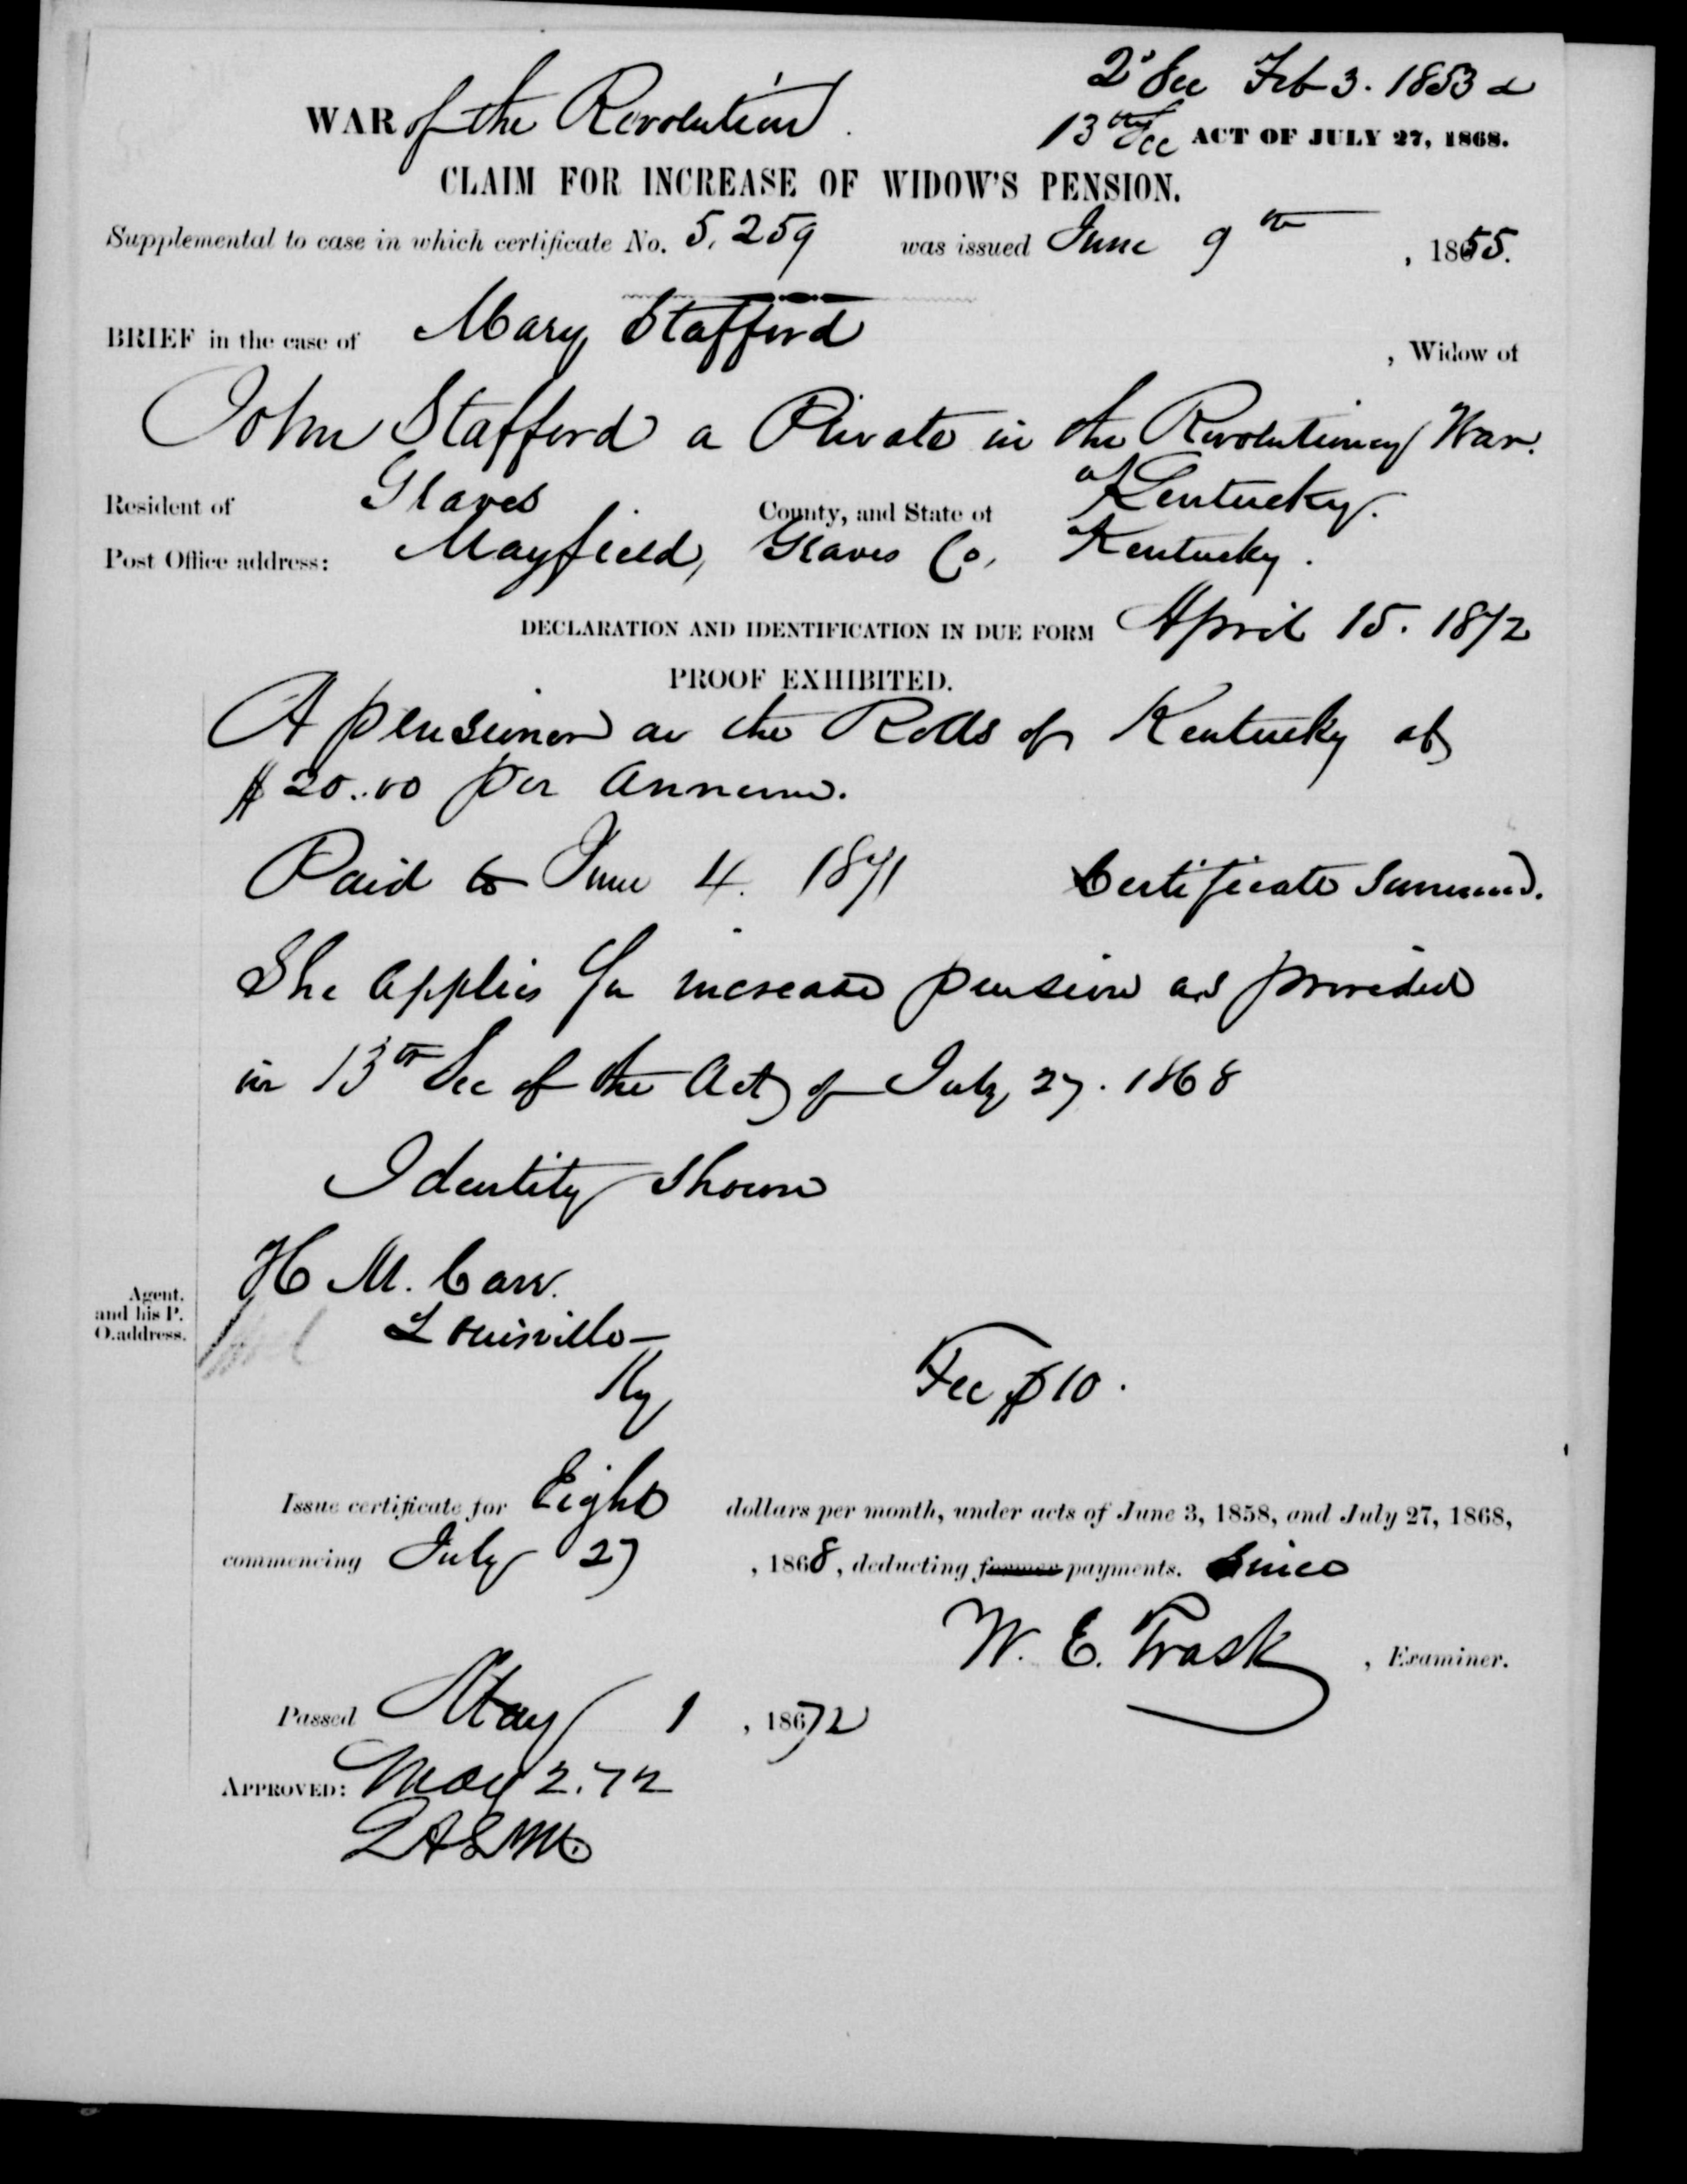2’du[dec?] Feb 3, 1853 d
13th du[dec?] Act of July 27, 1868

War of the Revolution

CLAIM FOR INCREASE OF WIDOW’S PENSION.

Supplemental to case in which certificate No. 5,259 was issued June 9th, 1855.

BRIEF in the case of Mary Stafford, Widow of
John Stafford a Private in the Revolutionary War.
Resident of Graves County, and State of Kentucky.
Post Office address: Mayfield, Graves Co, Kentucky.

DECLARATION AND IDENTIFICATION IN DUE FORM	 April 15, 1872
PROOF EXHIBITED.
		|A pensioner as the Rolls of Kentucky of $20.00 per annum.
		|Paid to June 4, 1871 Certificate [undecipherable)
		|She applies for increase pension as provided 
		|in 13th Sec of the Act of July 27, 1868
		|Identity Shown
		|
Agent,		|H. M. Carr
and his P.	|Louisville—
O. address	|Ky			Fee $10.
		|
		|	Issue certificate for Eight dollars per month, under acts of June 3, 1858 and July 				|27, 1868,
		|commencing July 27, 1868, deducting former payments. Suice
		|				W. E. Trask, Examiner.
		|	Passed May 1, 186872
		|Approved: May 2, 72
		|GASM.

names: John Stafford; Mary Stafford; W E Trask; H M Carr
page: 23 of 61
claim: widow's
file: W. 11554, for John Stafford, Maryland